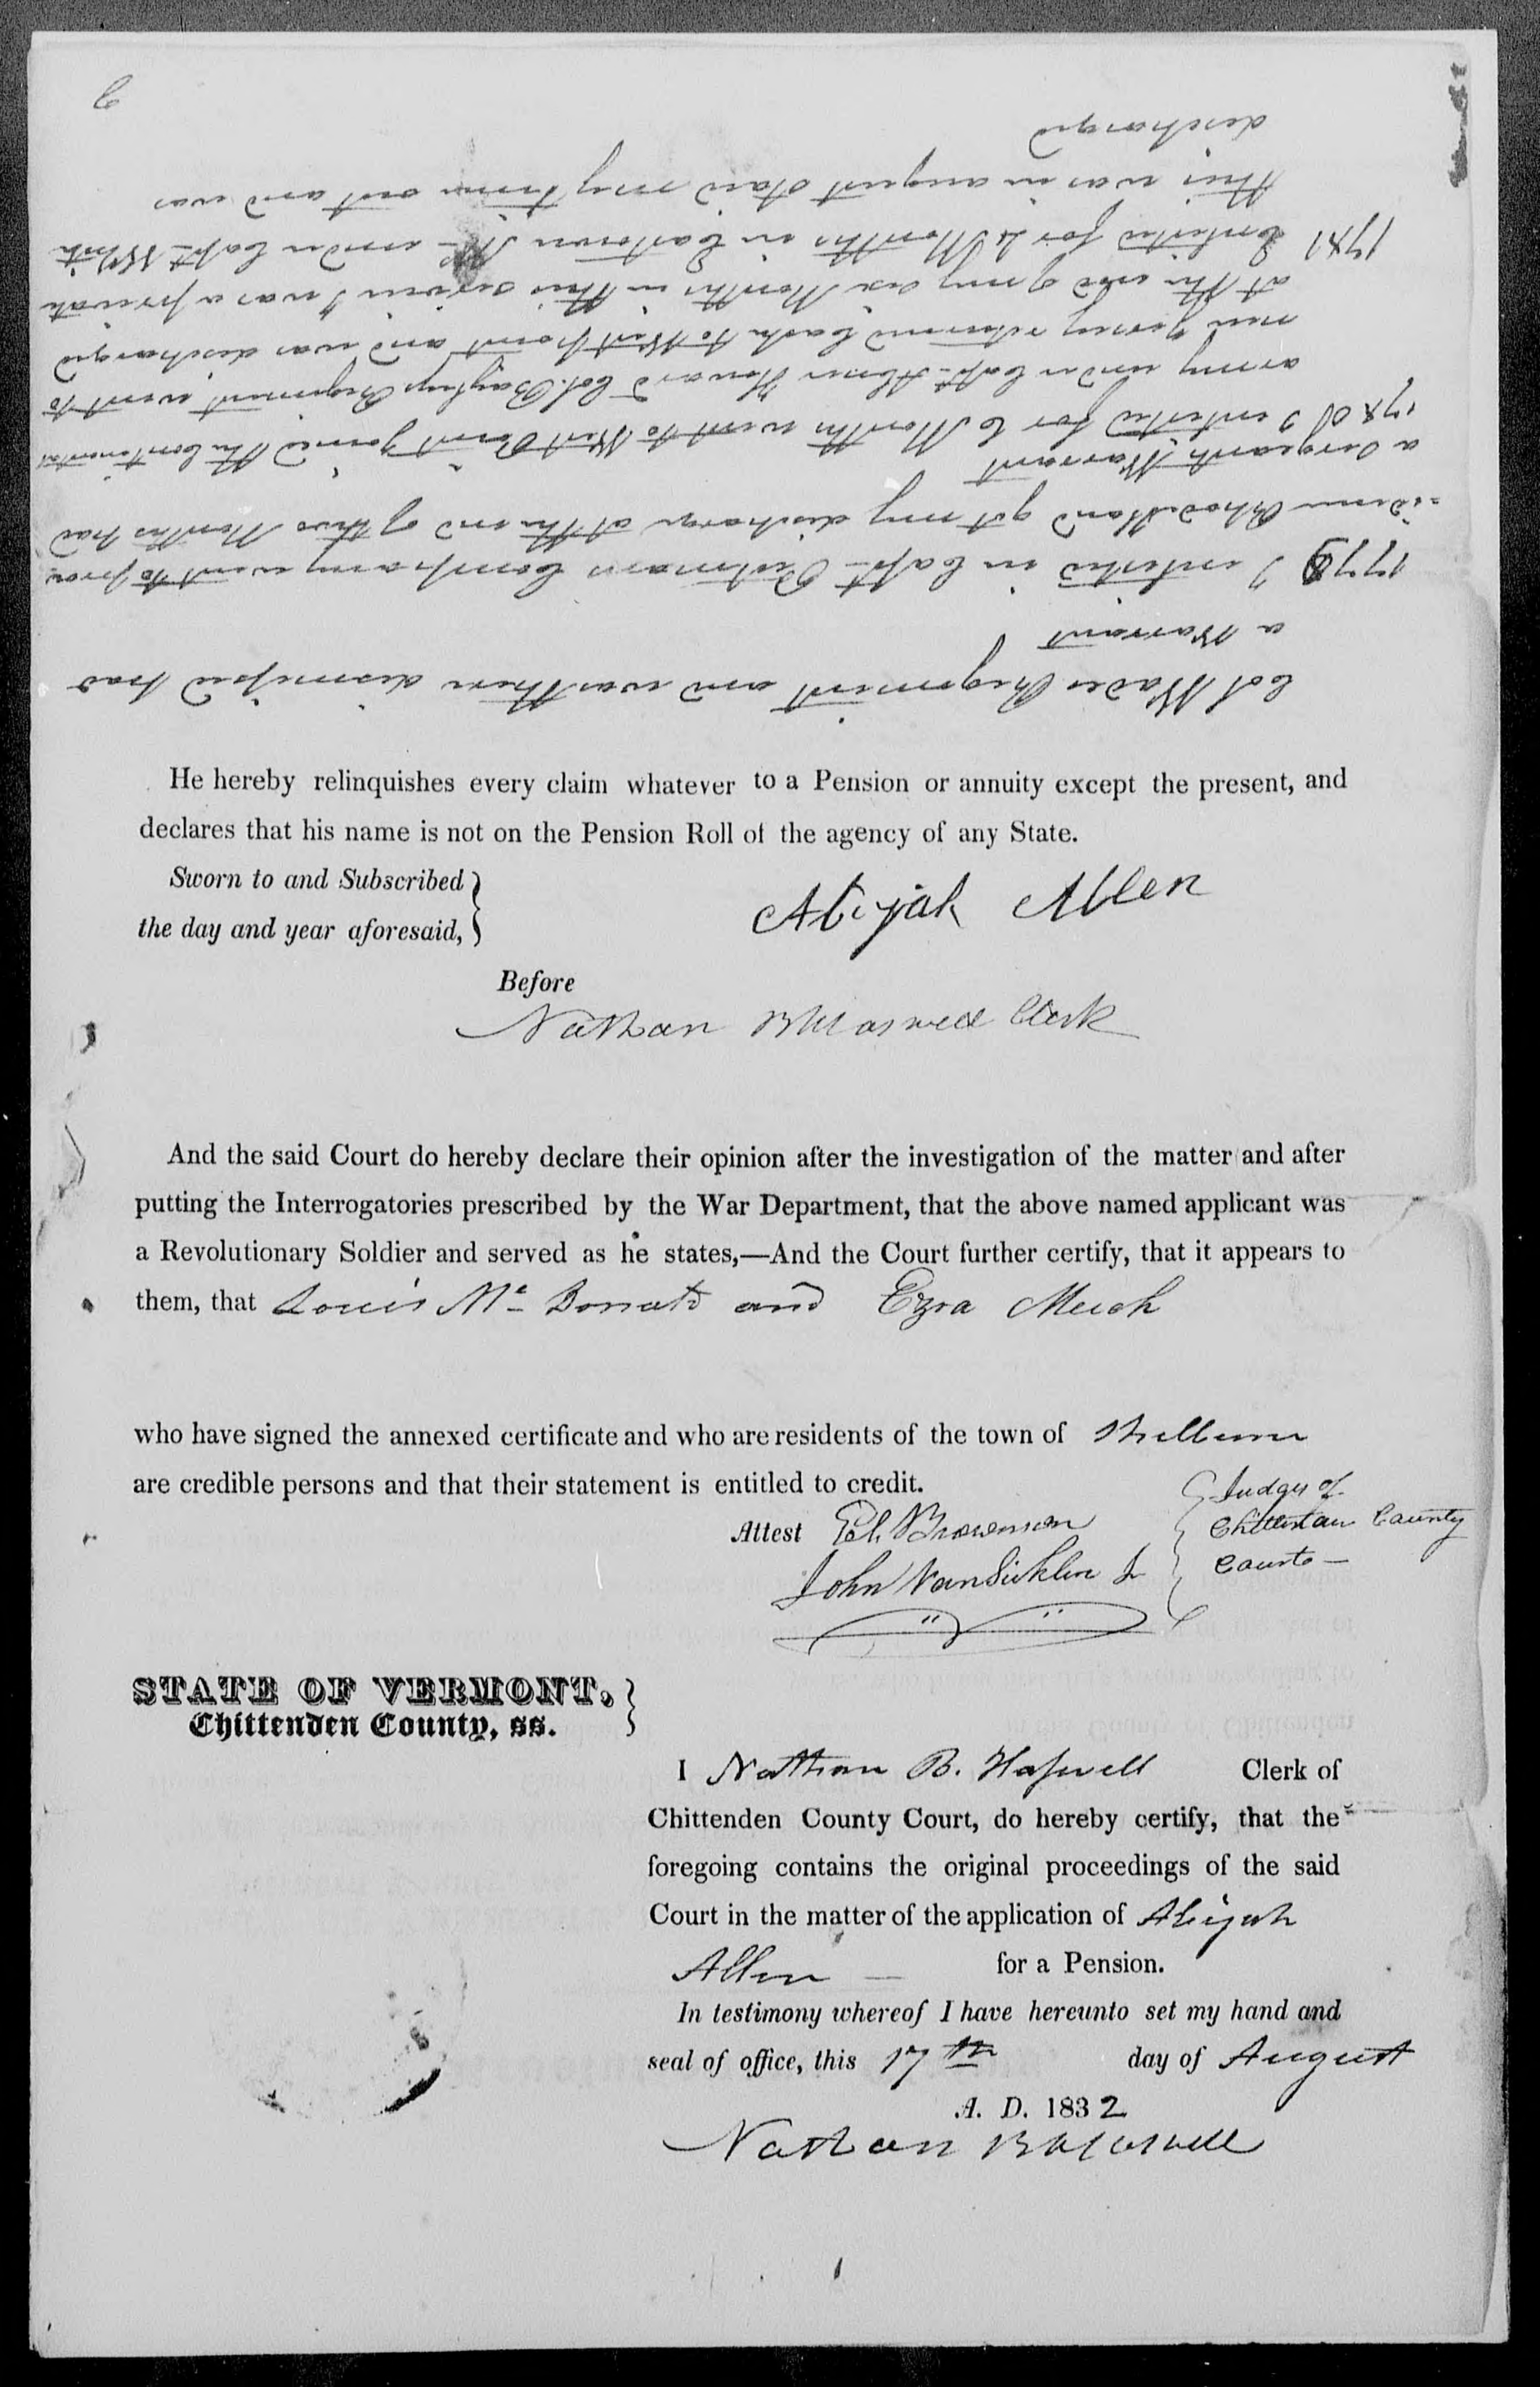Col Wades Regiment and was there dismissed had a warrant 
1779 I enlisted in Capt. Putmans Company went to Providence Rhode Island got my discharge at the end of two Months had a sergeants warrant 
1780 I enlisted for 6 months went to West Point joined the Continental army under Capt. Abner Howard Col. Bayleys Regiment went to New Jersey returned back to West Point and was discharged at the end of my six in this service I was a private 
1781 I enlisted for 4 months in Eastown [illegible] under Capt. White this was in august staid my time out and was discharged
He hereby relinquishes every claim whatever to a Pension or annuity except the present, and declares that his name is not on the Pension Roll of the agency of any State. 
Sworn to and Subscribed the day and year aforesaid, Abijah Allen
Before Nathan B Haswell Clerk
And the said Court do hereby declare their opinion after the investigation of the matter and after putting the Interrogatories prescribed by the War Department, that the above named applicant was a Revolutionary Soldier and served as he states,-And the Court further certify, that it appears to them, that Louis Mc Donald and Ezra Meich who have signed the annexed certificate and who are residents of the town of Shelburn are credible persons and that their statement is entitled to credit. 
Attest 
[illegible] Brownson
John Van Sicklin Jr 
Judges of Chittenden County Courts.

STATE OF VERMONT, 
Chittenden County, SS.
I Nathan B. Haswell Clerk of Chittenden County Court, do hereby certify, that the foregoing contains the original proceedings of the said Court in the matter if the applications of Abijah Allen for a Pension. 
In testimony whereof I have hereunto set my hand and seal of office, this 17th day of August A.D. 1832
Nathan B Haswell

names: Nathan B Maswell, Brownson, Nathan B Haswell, Abijah Allen, Ezra Meich, Louis Mc Donald, Nathan B Maswell, John Van Sicklin, Abijah Allen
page: 11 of 21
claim: survivor's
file: S. 15356, Abijah Allen, Mass.